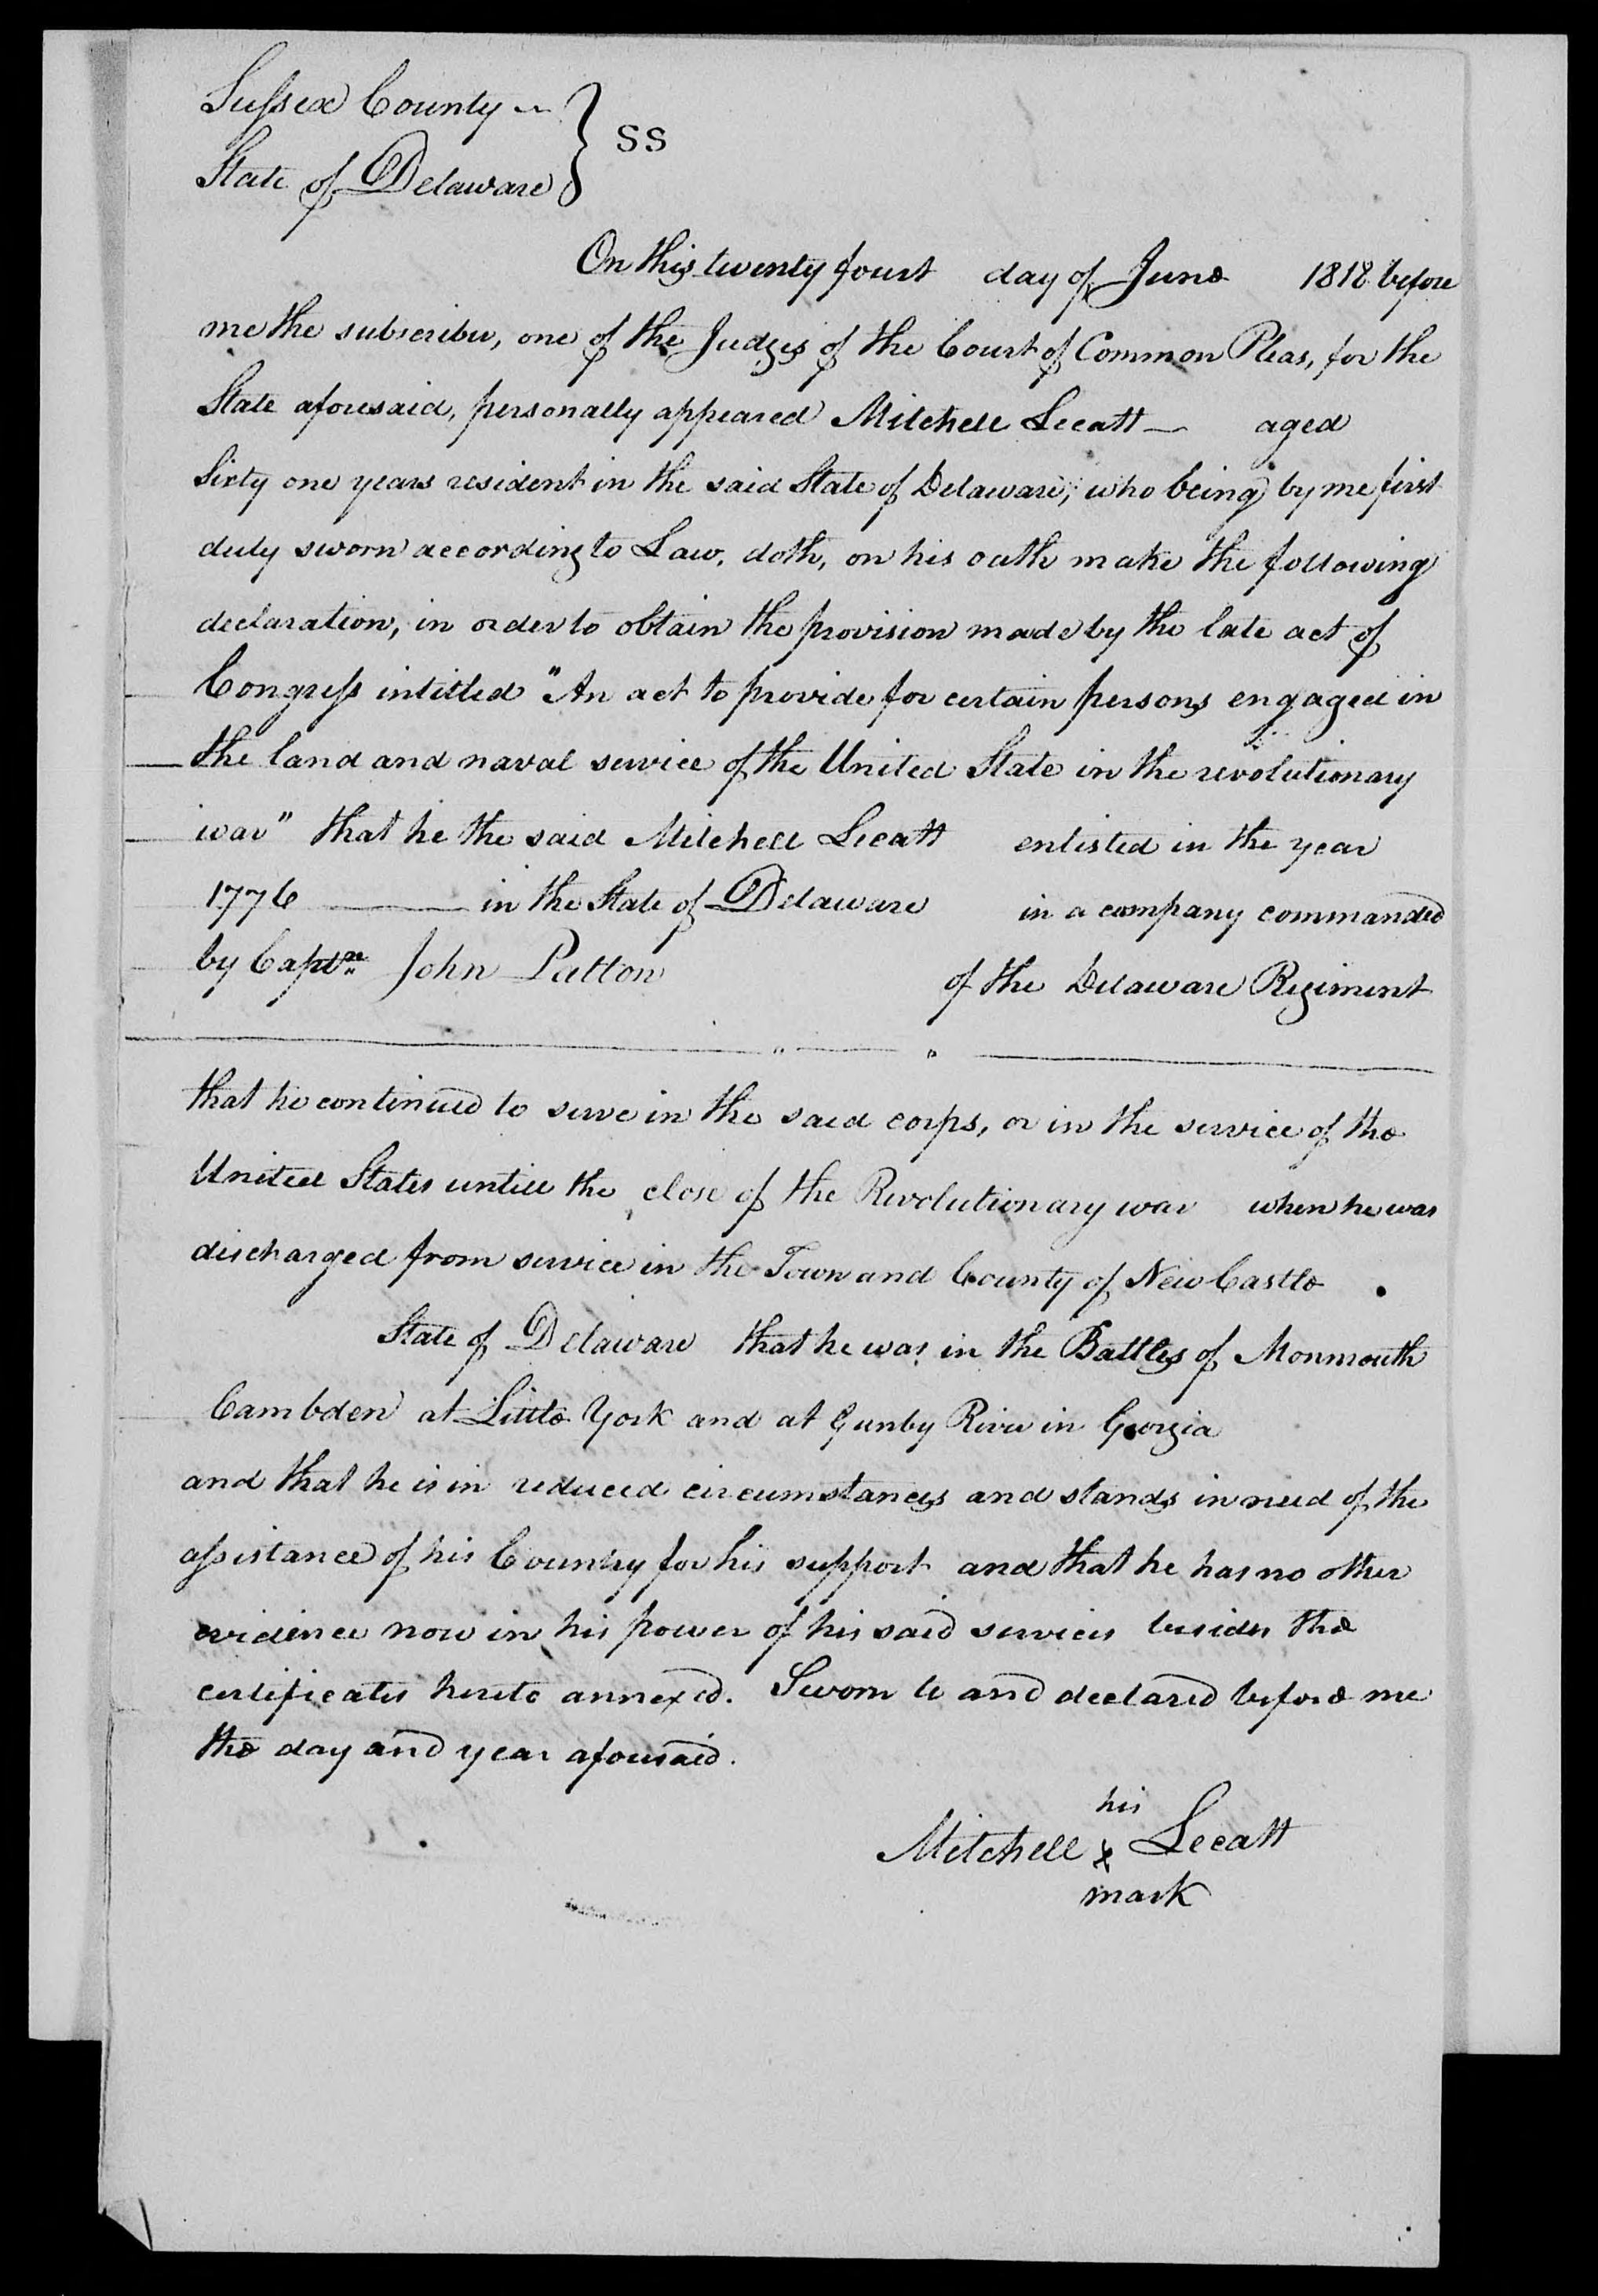Sussex County
State of Delaware} SS
On this twenty fourt day of June 1818 before one the subscriber, one of the Judges of the Court of Common Pleas, for the State aforesaid, personally appeared Mitchell Lecatt aged sixty one years resident in the said State of Delaware, who being by me first duly sworn according to Law, doth, on his oath make the following declaration, in order to obtain the provision made by the late act of Congress intitled "An act to provide for certain persons engaged in the land and naval service of the United State in the revolutionary war" that he the said Mitchell Lecatt enlisted in the year 1776 in the State of Delaware in a company commanded by Captn. John Patton of the Delaware Regiment that he continued to serve in the said corps, or in the service of the United States untill the close of the Revolutionary war when he was discharged from service in the Town and County of New Castle State of Delaware that he was in the Battles of Monmouth Cambden at Little York and at Gunby River in Georgia and that he is in reduced circumstances and stands in need of the assistance of his Country for his support and that he has other evidence now in his power of his said services besides the certificate hereunto annexed. Sworn to and declared before me the day and year aforesaid.
Mitchell Lecatt his X mark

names: John Patton; Mitchell Lecatt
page: 5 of 12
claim: survivor's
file: S. 36,040, for Mitchell Lecatt, Delaware